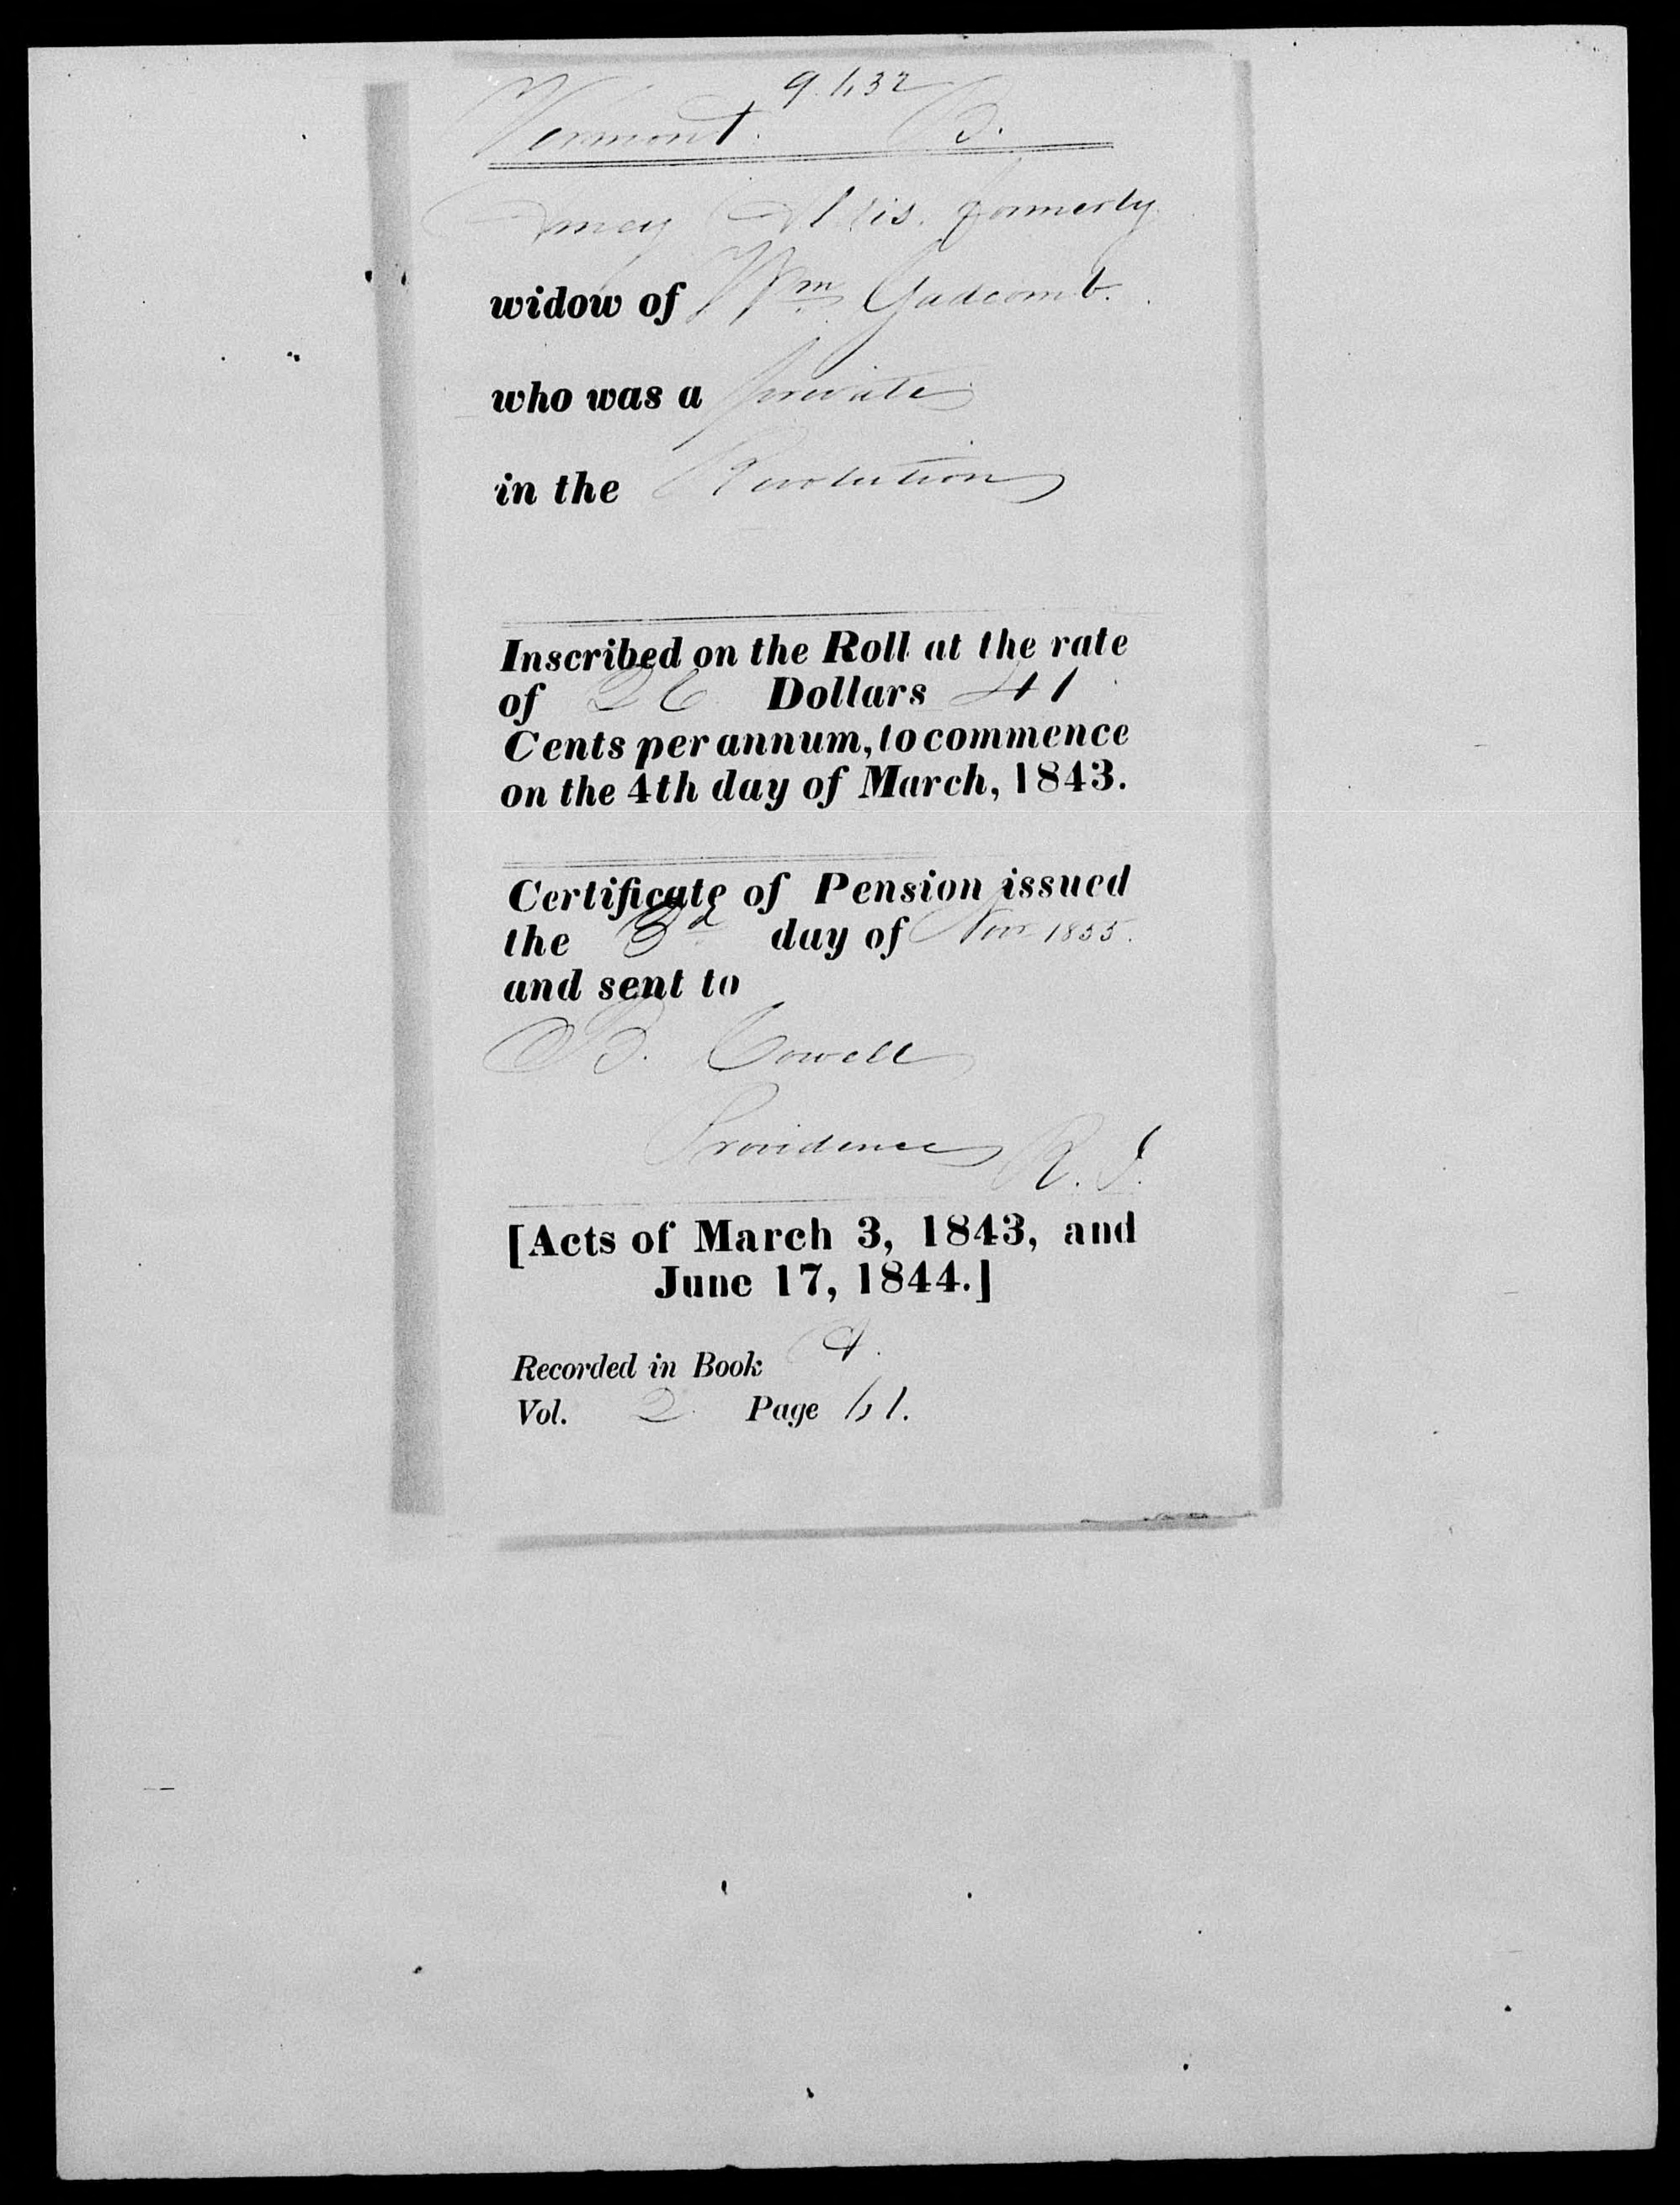9.1.32
Vermont, B.
Amey Aldis formerly Widow of Wm. Gadcomb who was a private in the Revolution

Inscribed on the Roll at the rate of 26 Dollars 41 Cents per annum to commence on the 4th day of March, 1843.

Certificate of Pension issued the 3rd day of Nov. 1855. and sen to B. Cowell, Providence, R.I.

[Acts of March 3, 1843, and June 7, 1844.]

Recorded in Book A.
Vol. 2, Page 61.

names: Amey Aldis, B Cowell, Wm Gadcomb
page: 74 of 76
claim: widow's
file: W. 15,517, William Gadcomb, R.I.